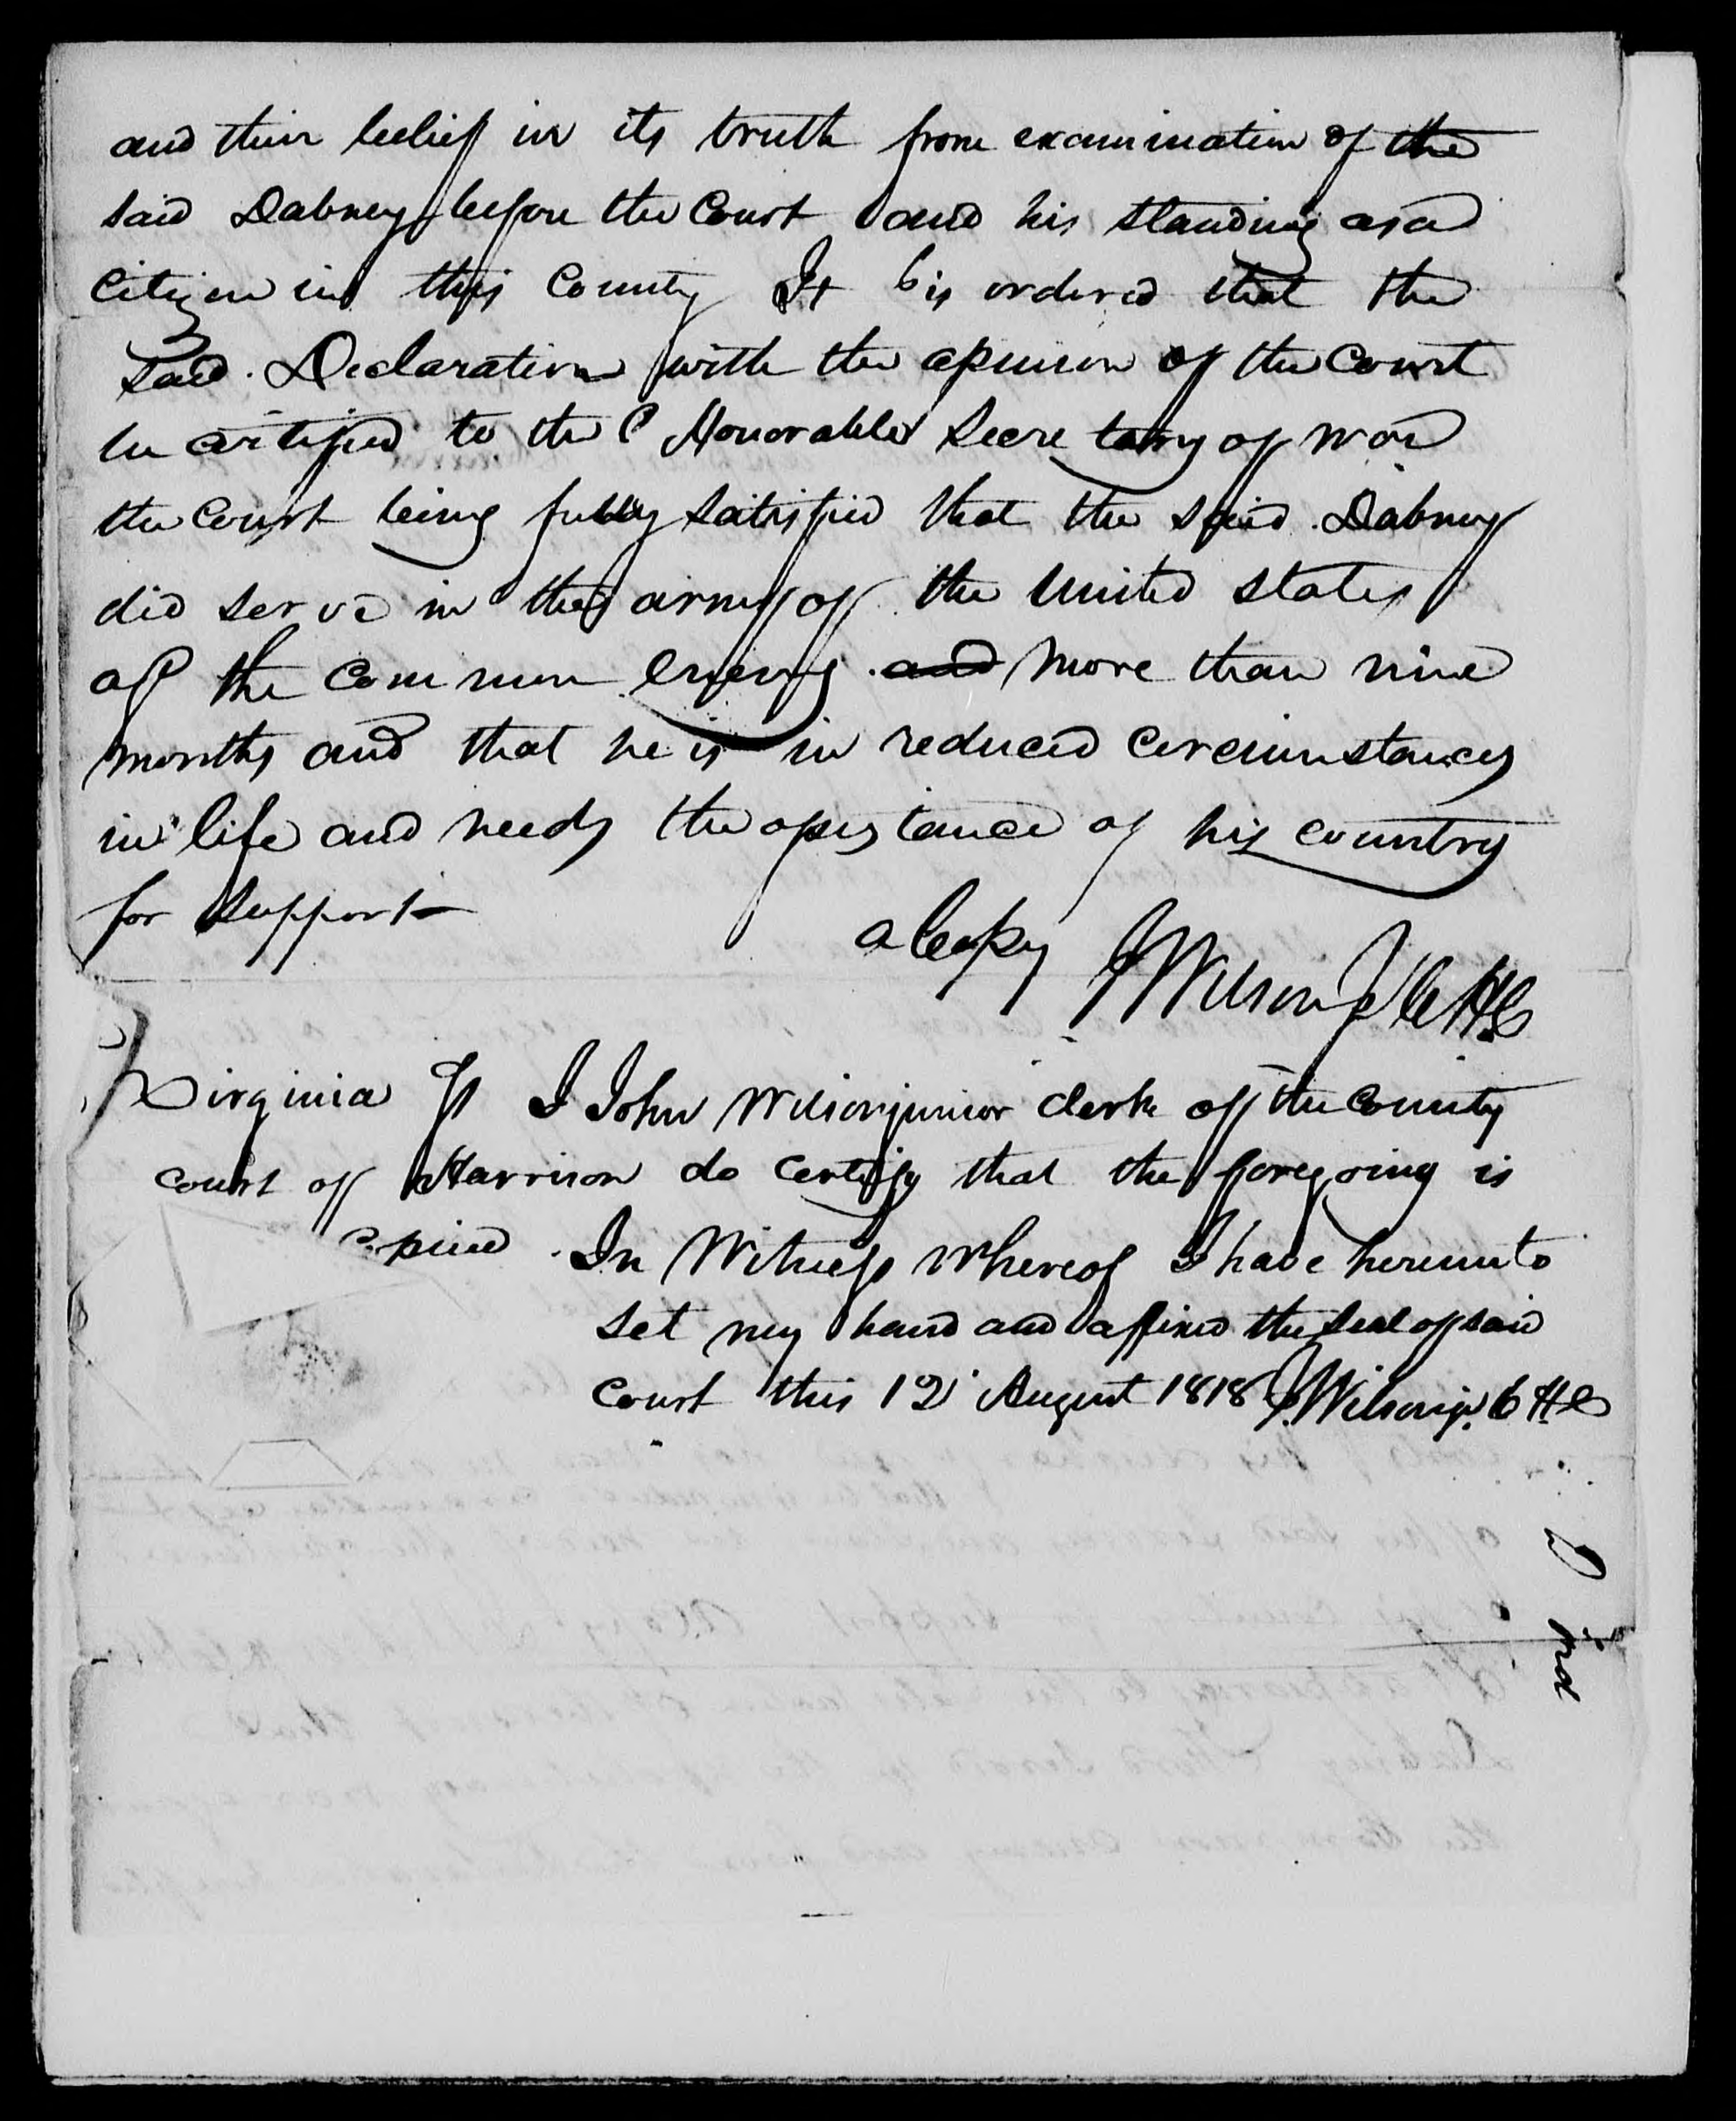and their belief in its truth from examination of the
Said Dabney before the Court and his standing as a
Citizen in this County It is ordered that the
Said Declaration with the opinion of the Court
be certified to the } Honorable Secretary of War
the Court being fully Satisfied that the Said Dabney
did Serve in the army of the United States
agt [against] the common enemy [crossed out-and] more 
than nine months and that he is in reduced circumstances in life and needs the assistance of his country for support-
                                a Copy  JWilson Jr CHC [clerk Harrison County]

Virginia  }   I John Wilson junior clerk of the County court of 
Harrison do certify that the foregoing is 
                            copied-- In Witness whereof I have hereunto
                                          set my hand and affixed the Seal of Said
                                          Court this 12 August 1818  JWilson Jr CHC
[Seal at left]


[written perpendicular]
  D Lnd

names: J Wilson, J Wilson, Dabney, John Wilson, Dabney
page: 5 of 11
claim: survivor's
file: S. 39531, Dabney Ford, Va.